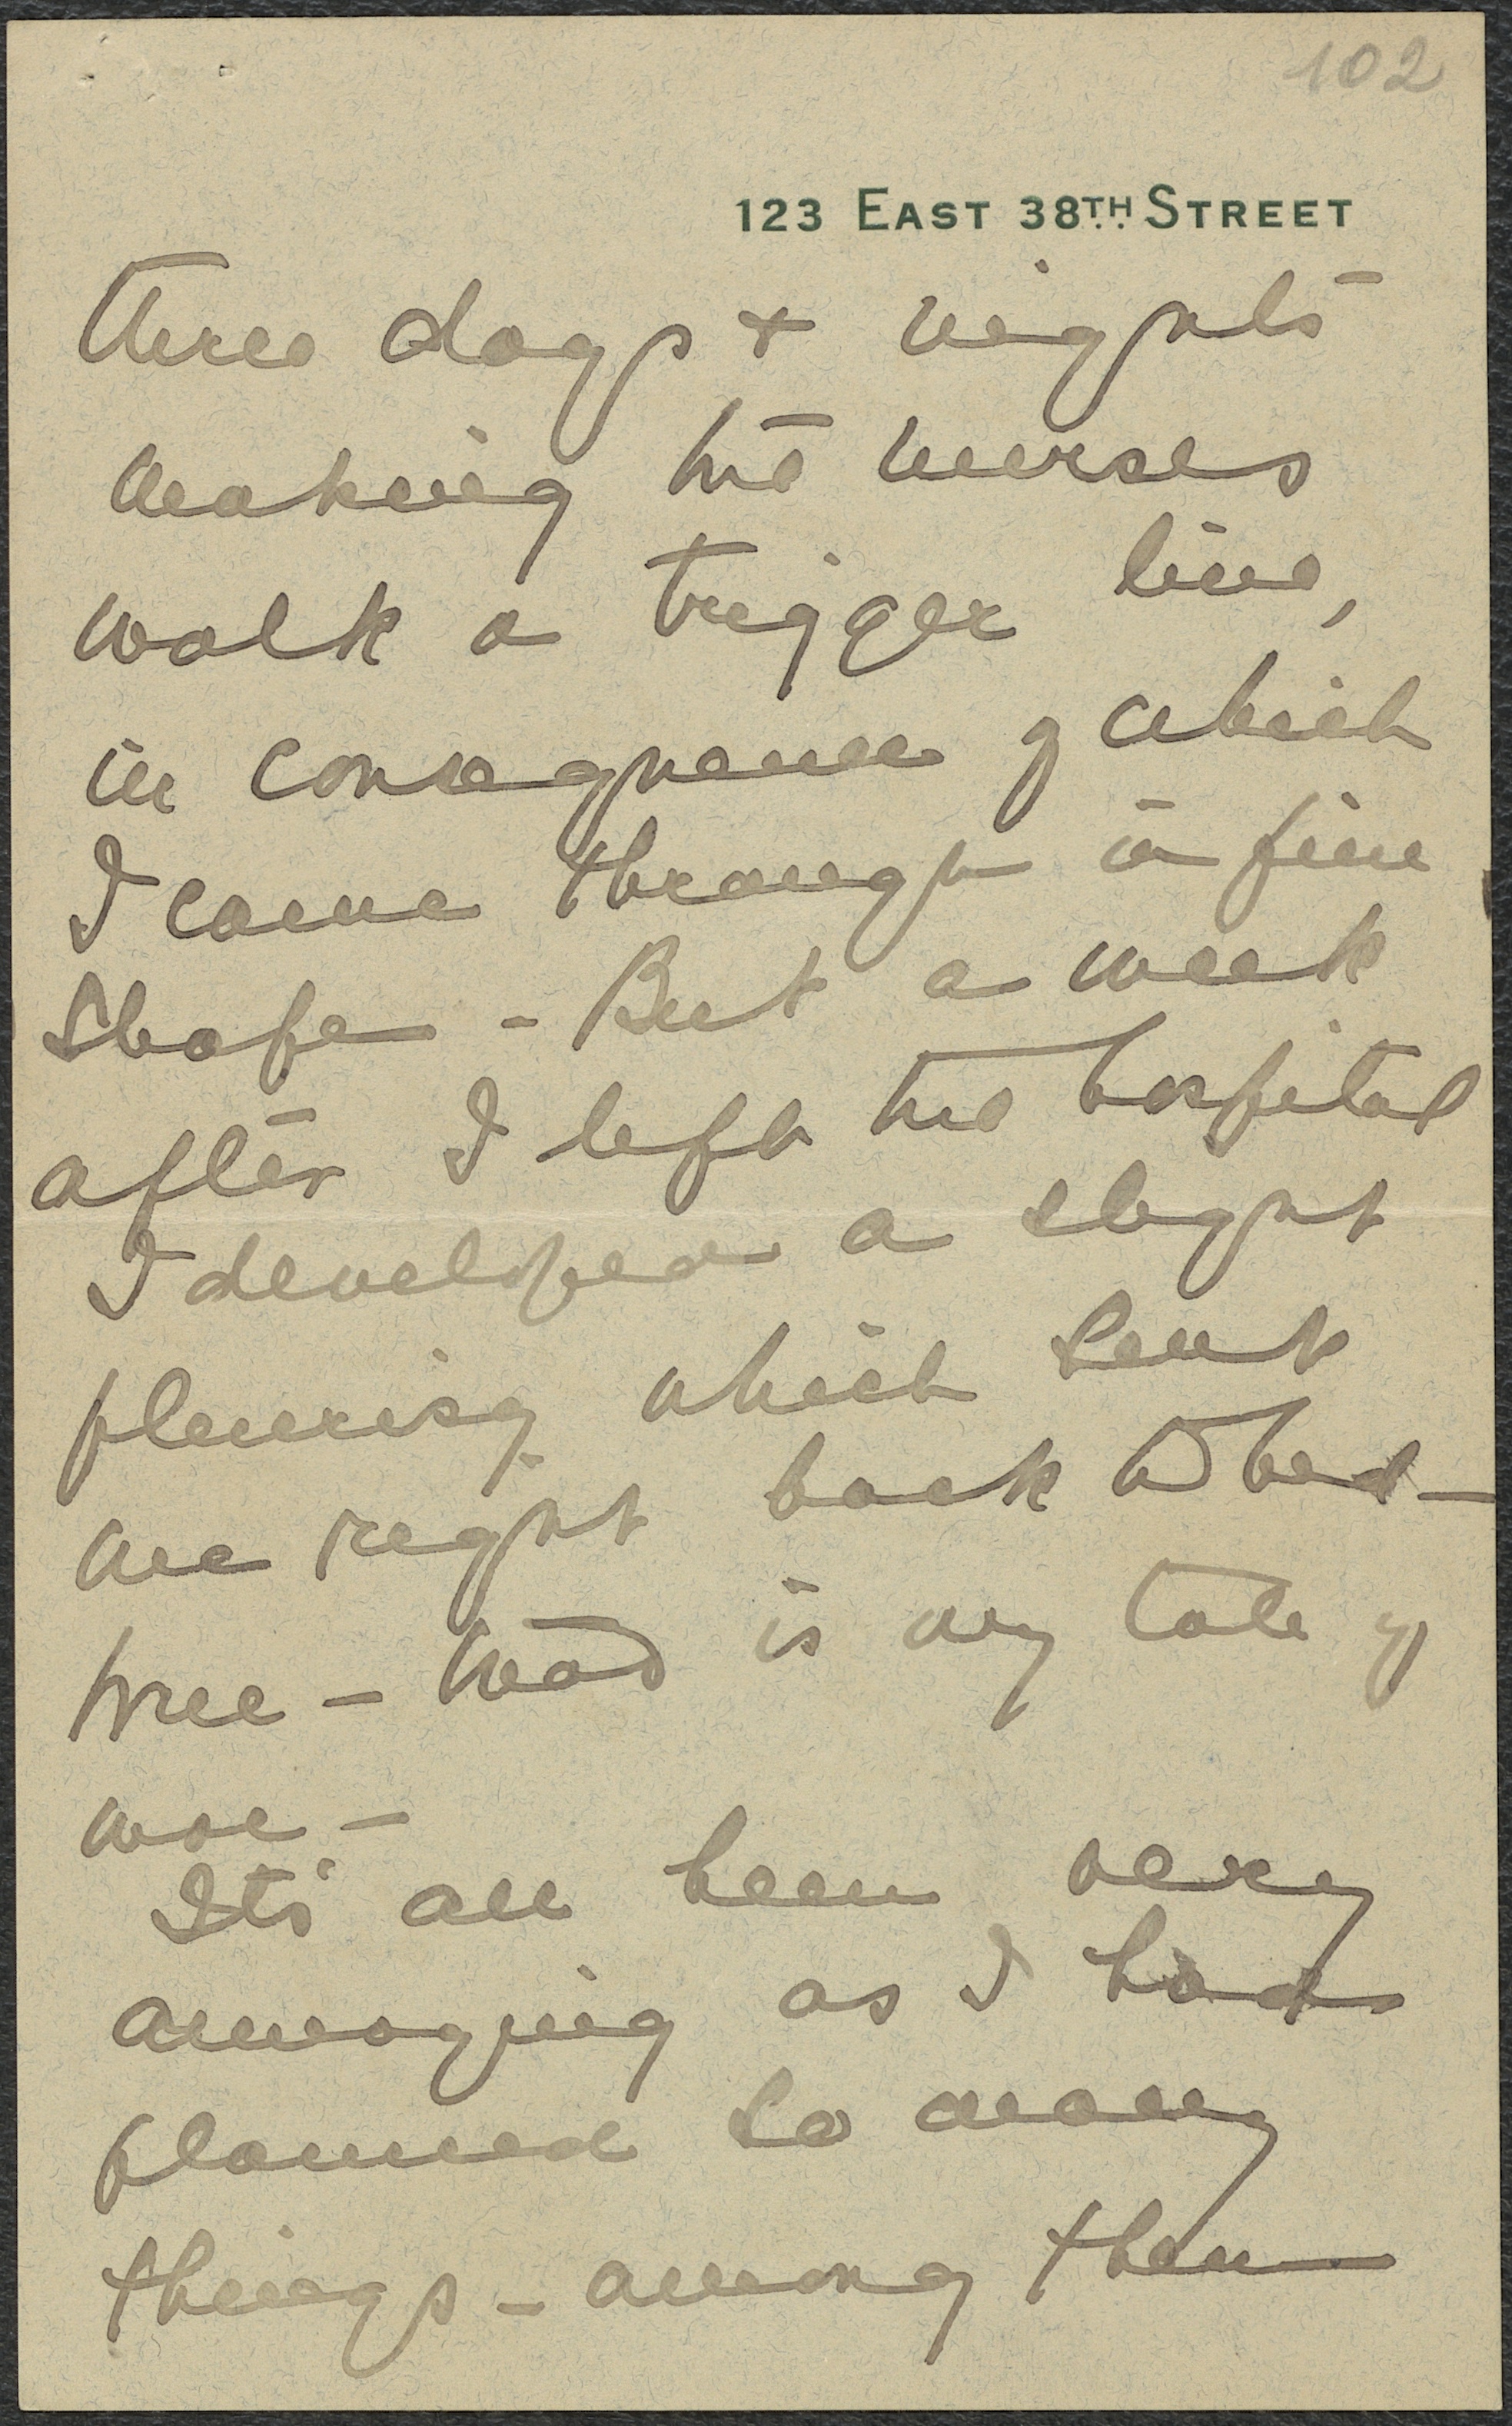three days & nights making the nurses walk a trigger line, in consequence of which I came through in fine shape – But a week after I left the hospital I developed a slight pleurisy which sent me right back to bed – Well – that is my tale of woe–
It’s all been very annoying as I had planned so many things – among them